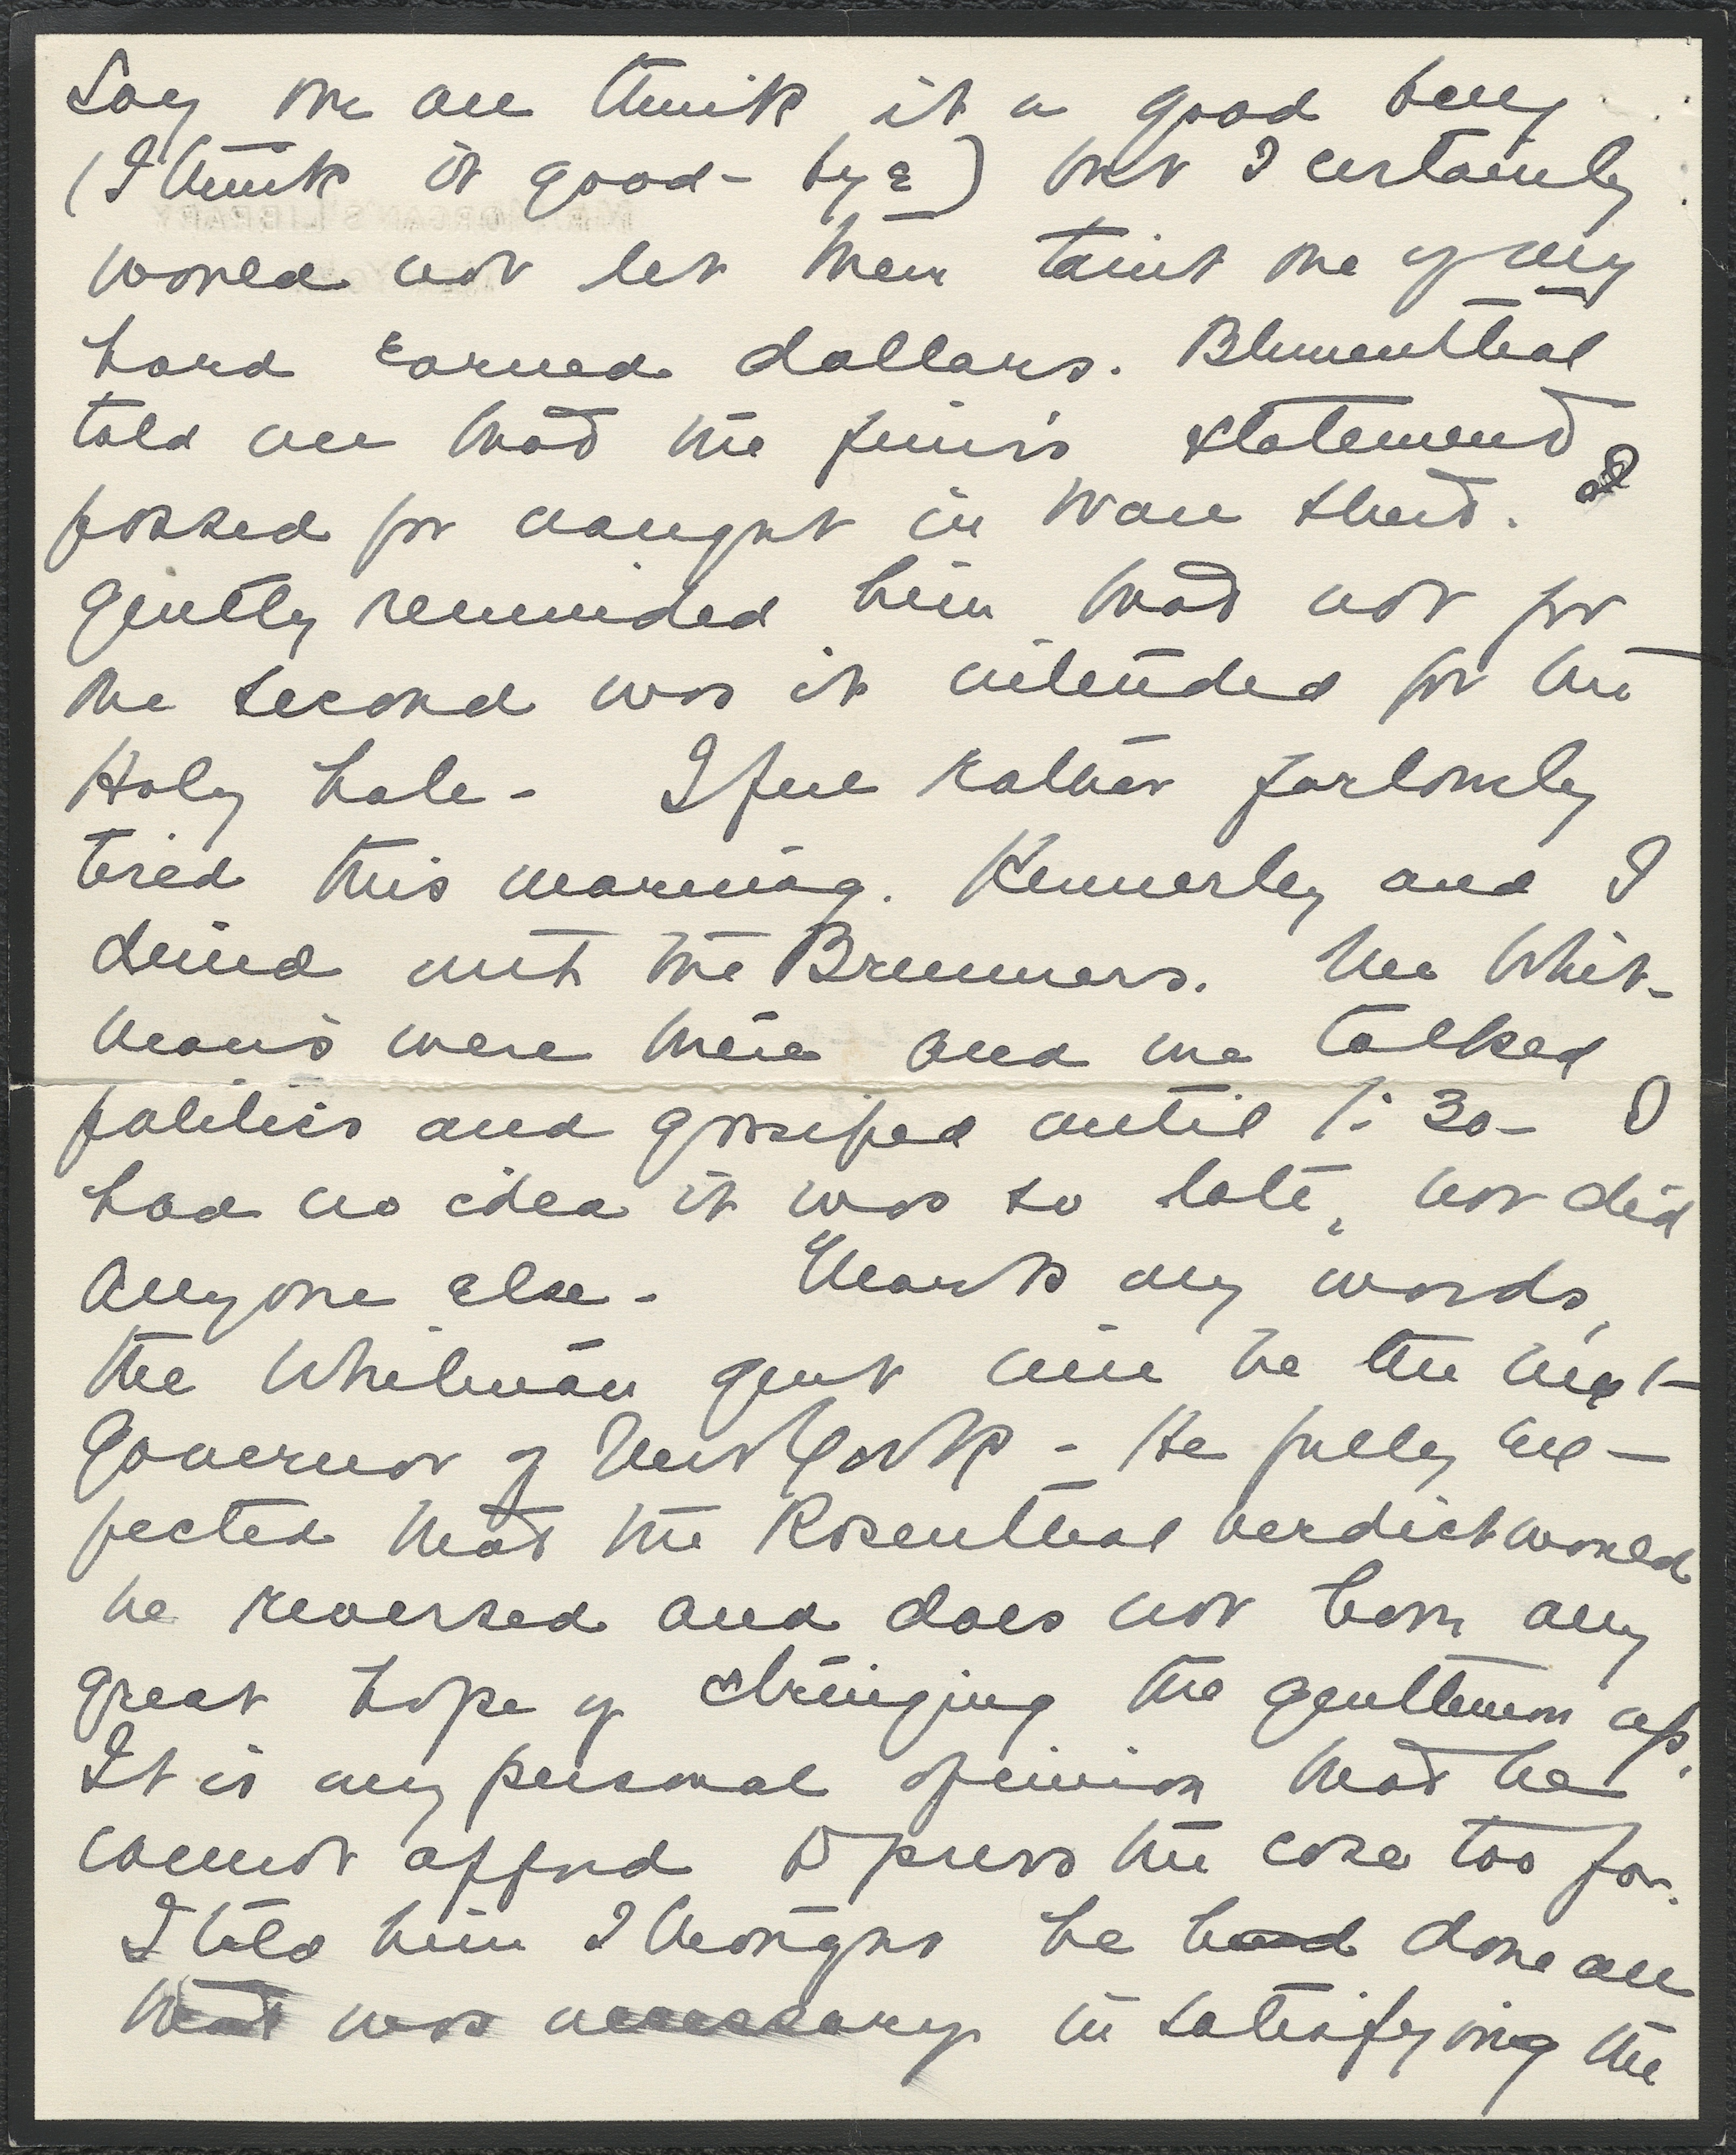say we all think it a good buy (I think it good-bye) but I certainly would not let them taint one of my hard earned dollars. Blumenthal told me that the firm’s statement passed for naught in Wall Street. I quietly reminded him that not for one second was it intended for the Holy hole – I feel rather parlously tired this morning. Kennerley and I dined with the Brunners. The Whitmans were there and we talked politics and gossiped until 1:30 – I had no idea it was so late, nor did anyone else – Mark my words, The Whitman gent will be the next governor of New York – He fully expected that the Rosenthal verdict would be reversed and does not have any great hope of stringing the gentleman up. It is my personal opinion that he cannot afford to press the case too far. I told him I thought he had done all that was necessary in satisfying the